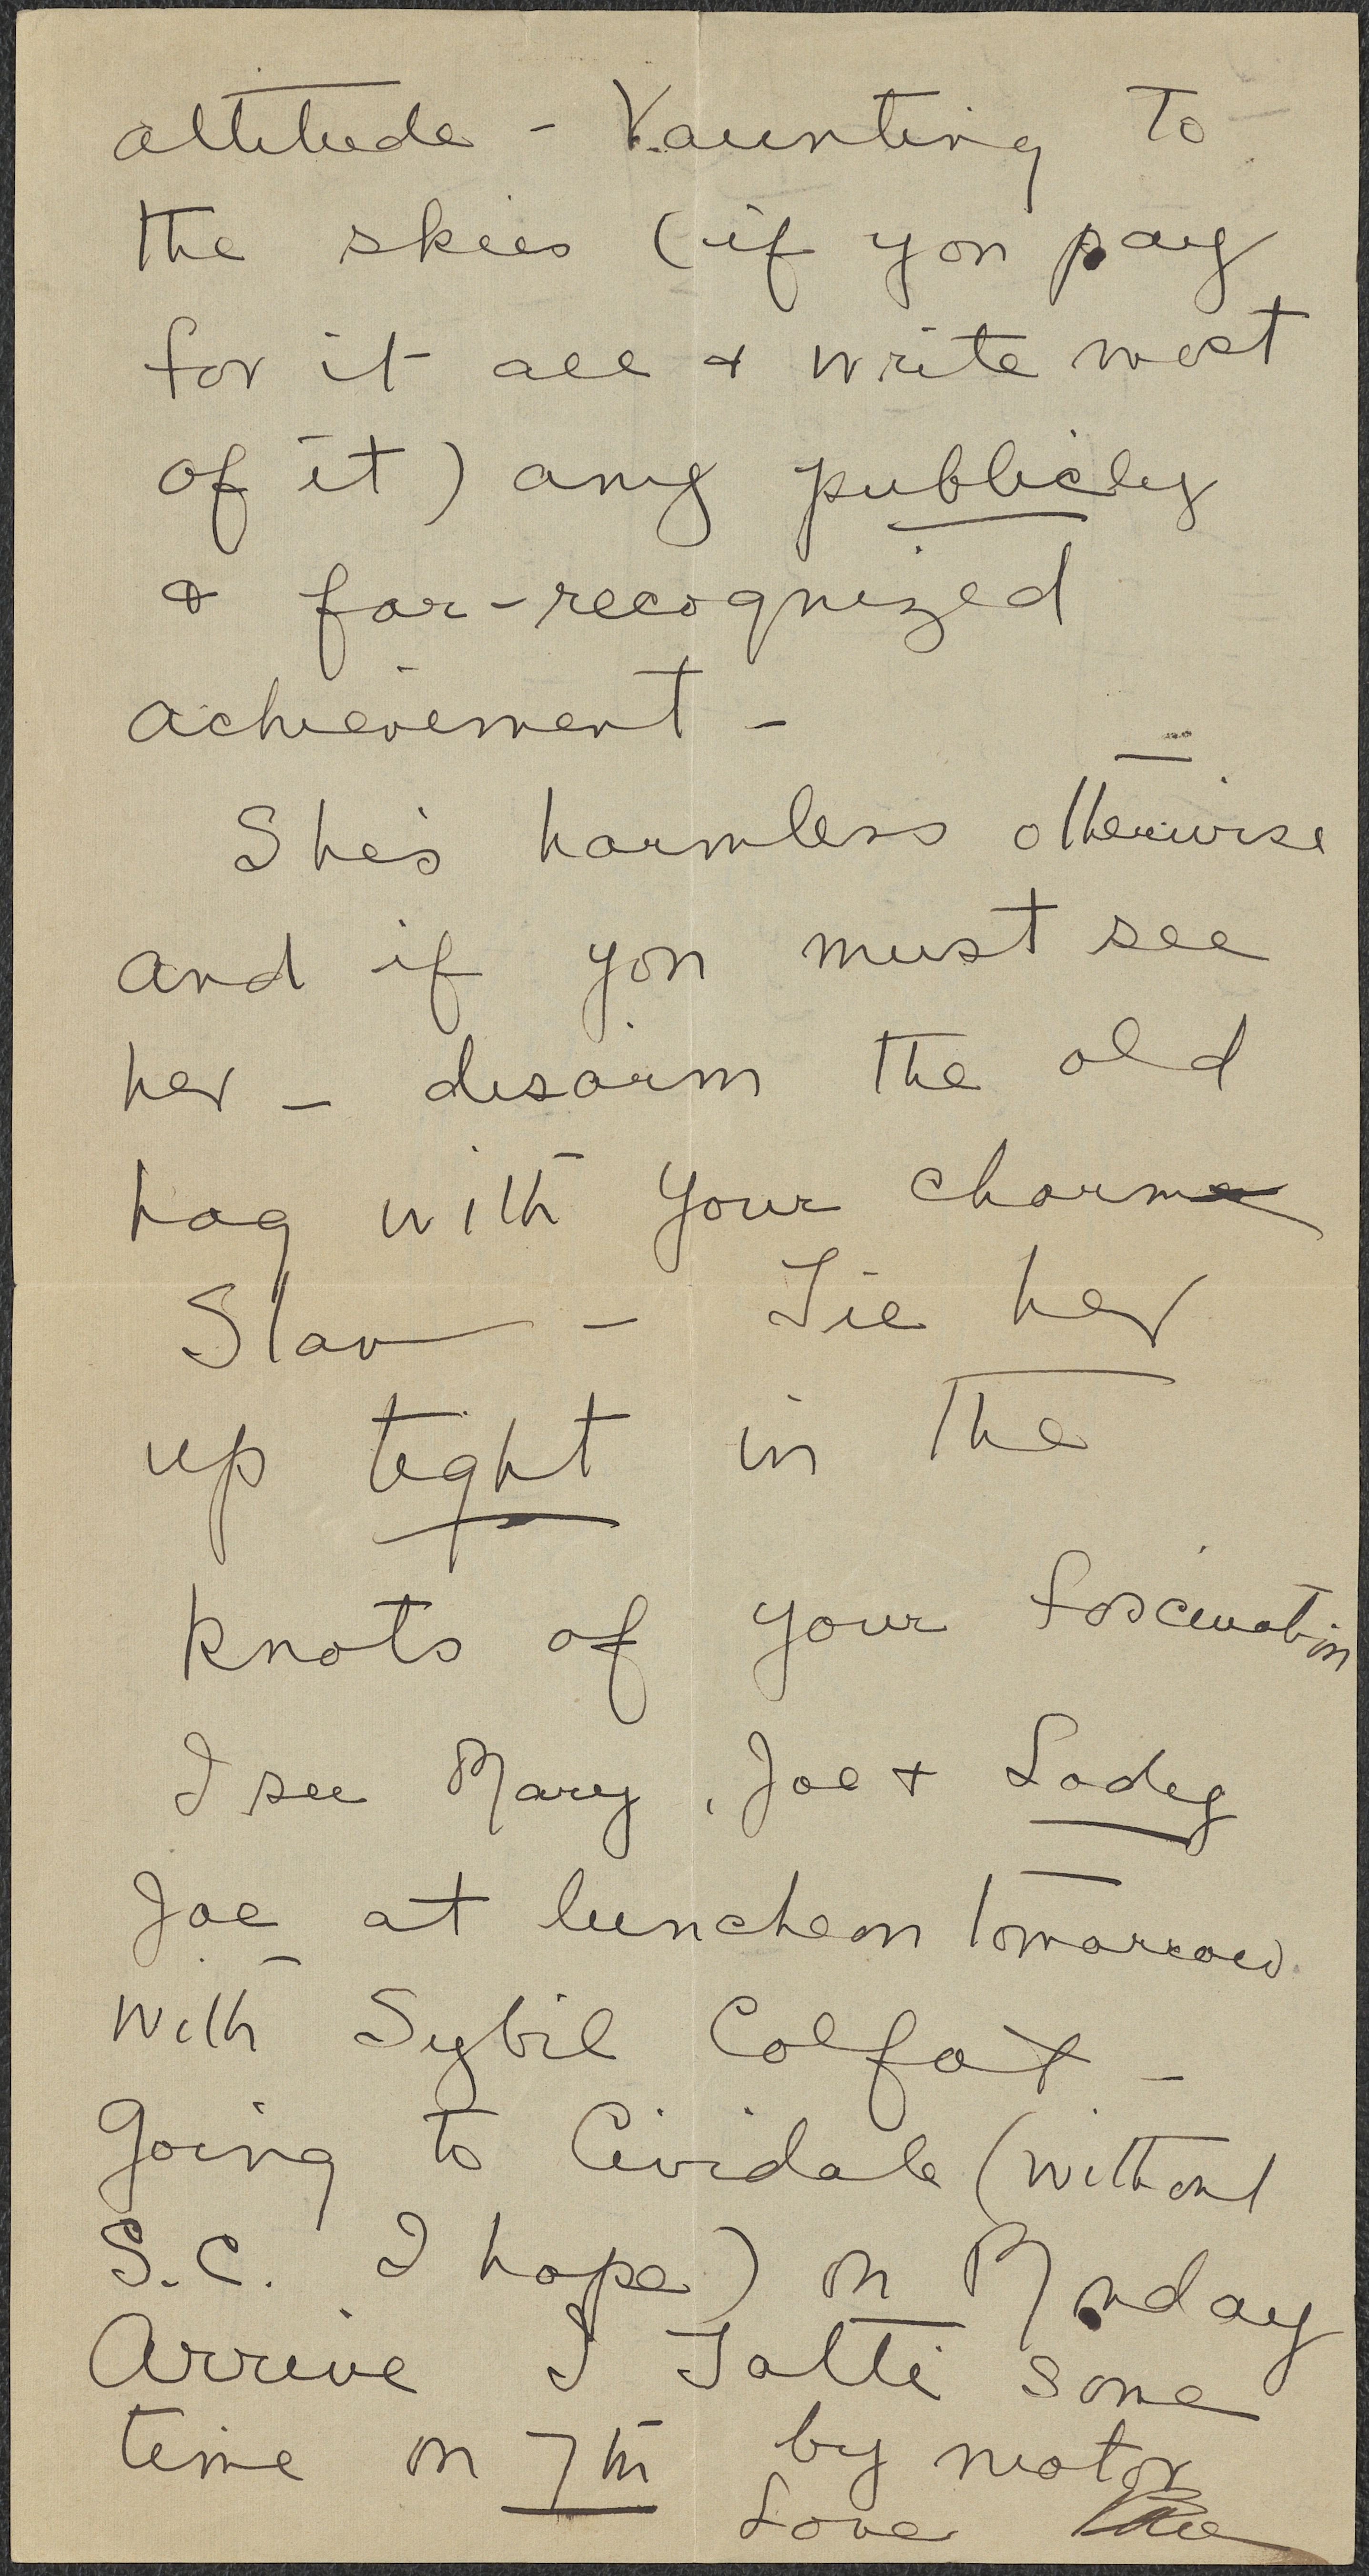attitude – Vaunting to the skies (if you pay for it all & write most of it) any publicly & far-recognized achievement –
She’s harmless otherwise and if you must see her – disarm the old hag with your charms
Slav – Tie her up tight in the knots of your fascination
I see Mary, Joe & Lady Joe at luncheon tomorrow with Sybil Colfax –
Going to Cividale (without S.C. I hope) on Monday
Arrive I Tatti some time on 7th by motor
Love Belle